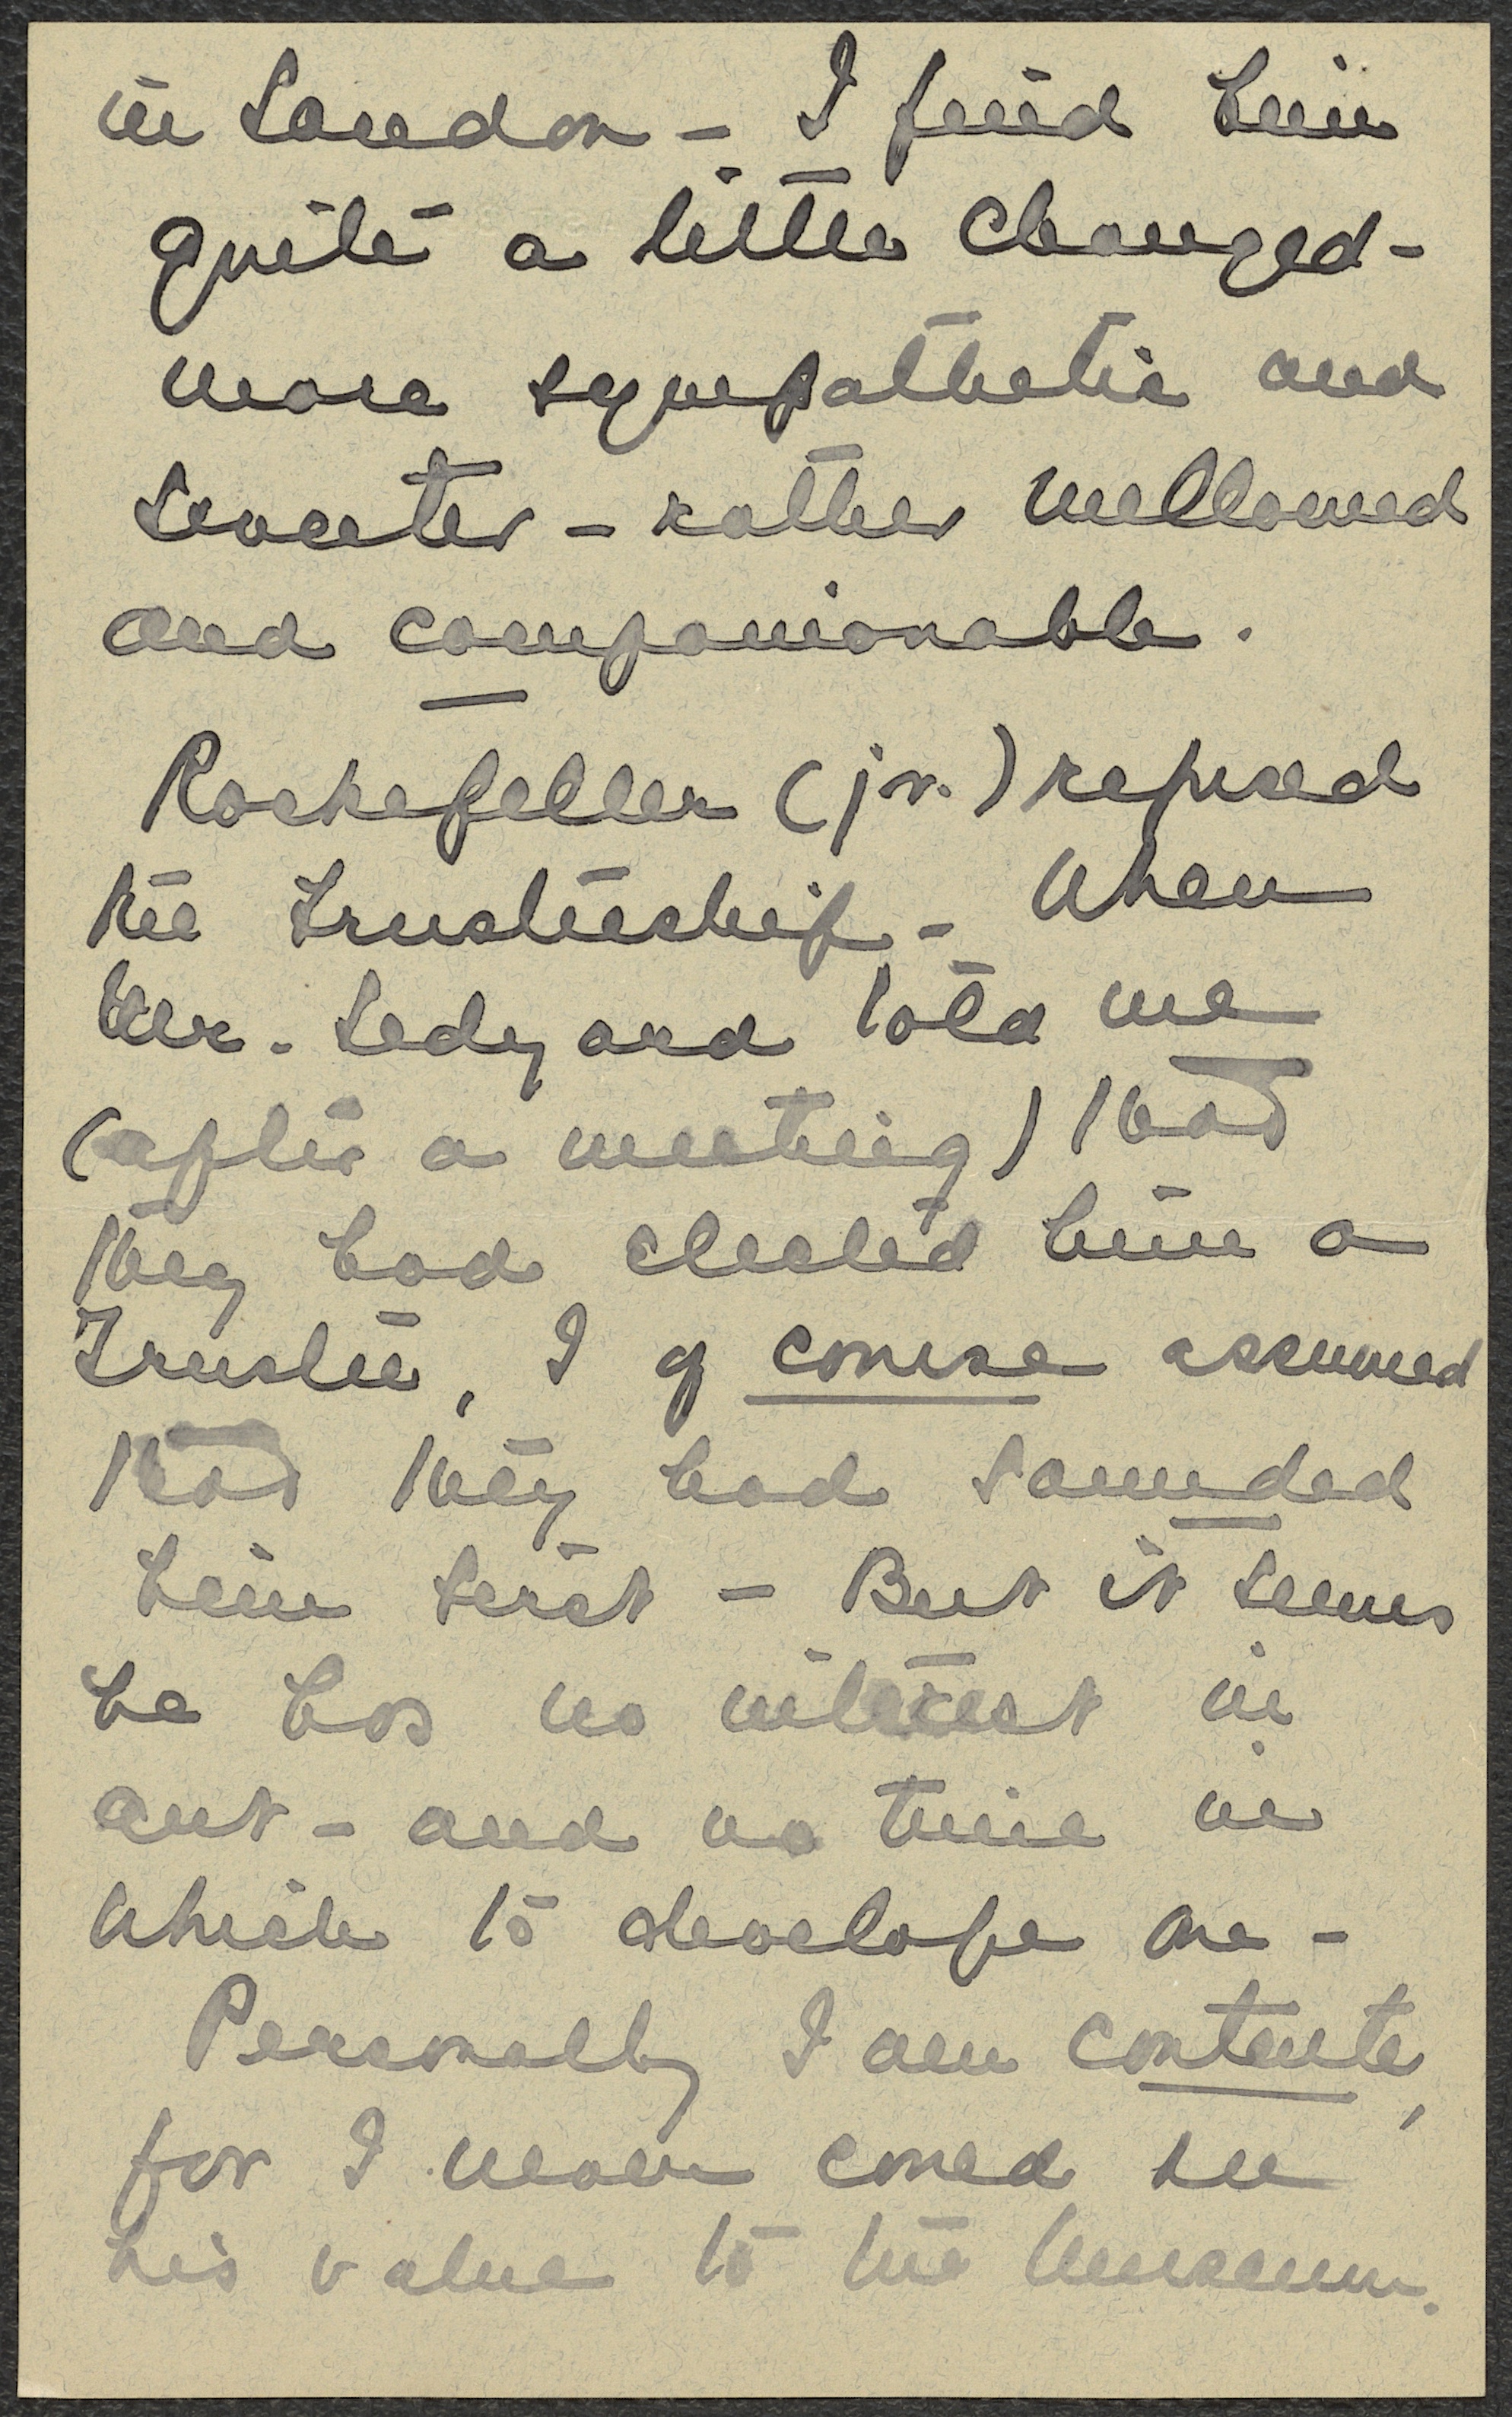in London – I find him quite a little changed – more sympathetic and sweeter – rather mellowed and companionable.
Rockefeller (jr.) refused the trusteeship – when Mr. Ledyard told me (after a meeting) that they had elected him a Trustee, I of course assumed that they had sounded him first – But it seems he has no interest in art – and no time in which to develope [sic] one – Personally I am contente, for I never could see his value to the Museum.